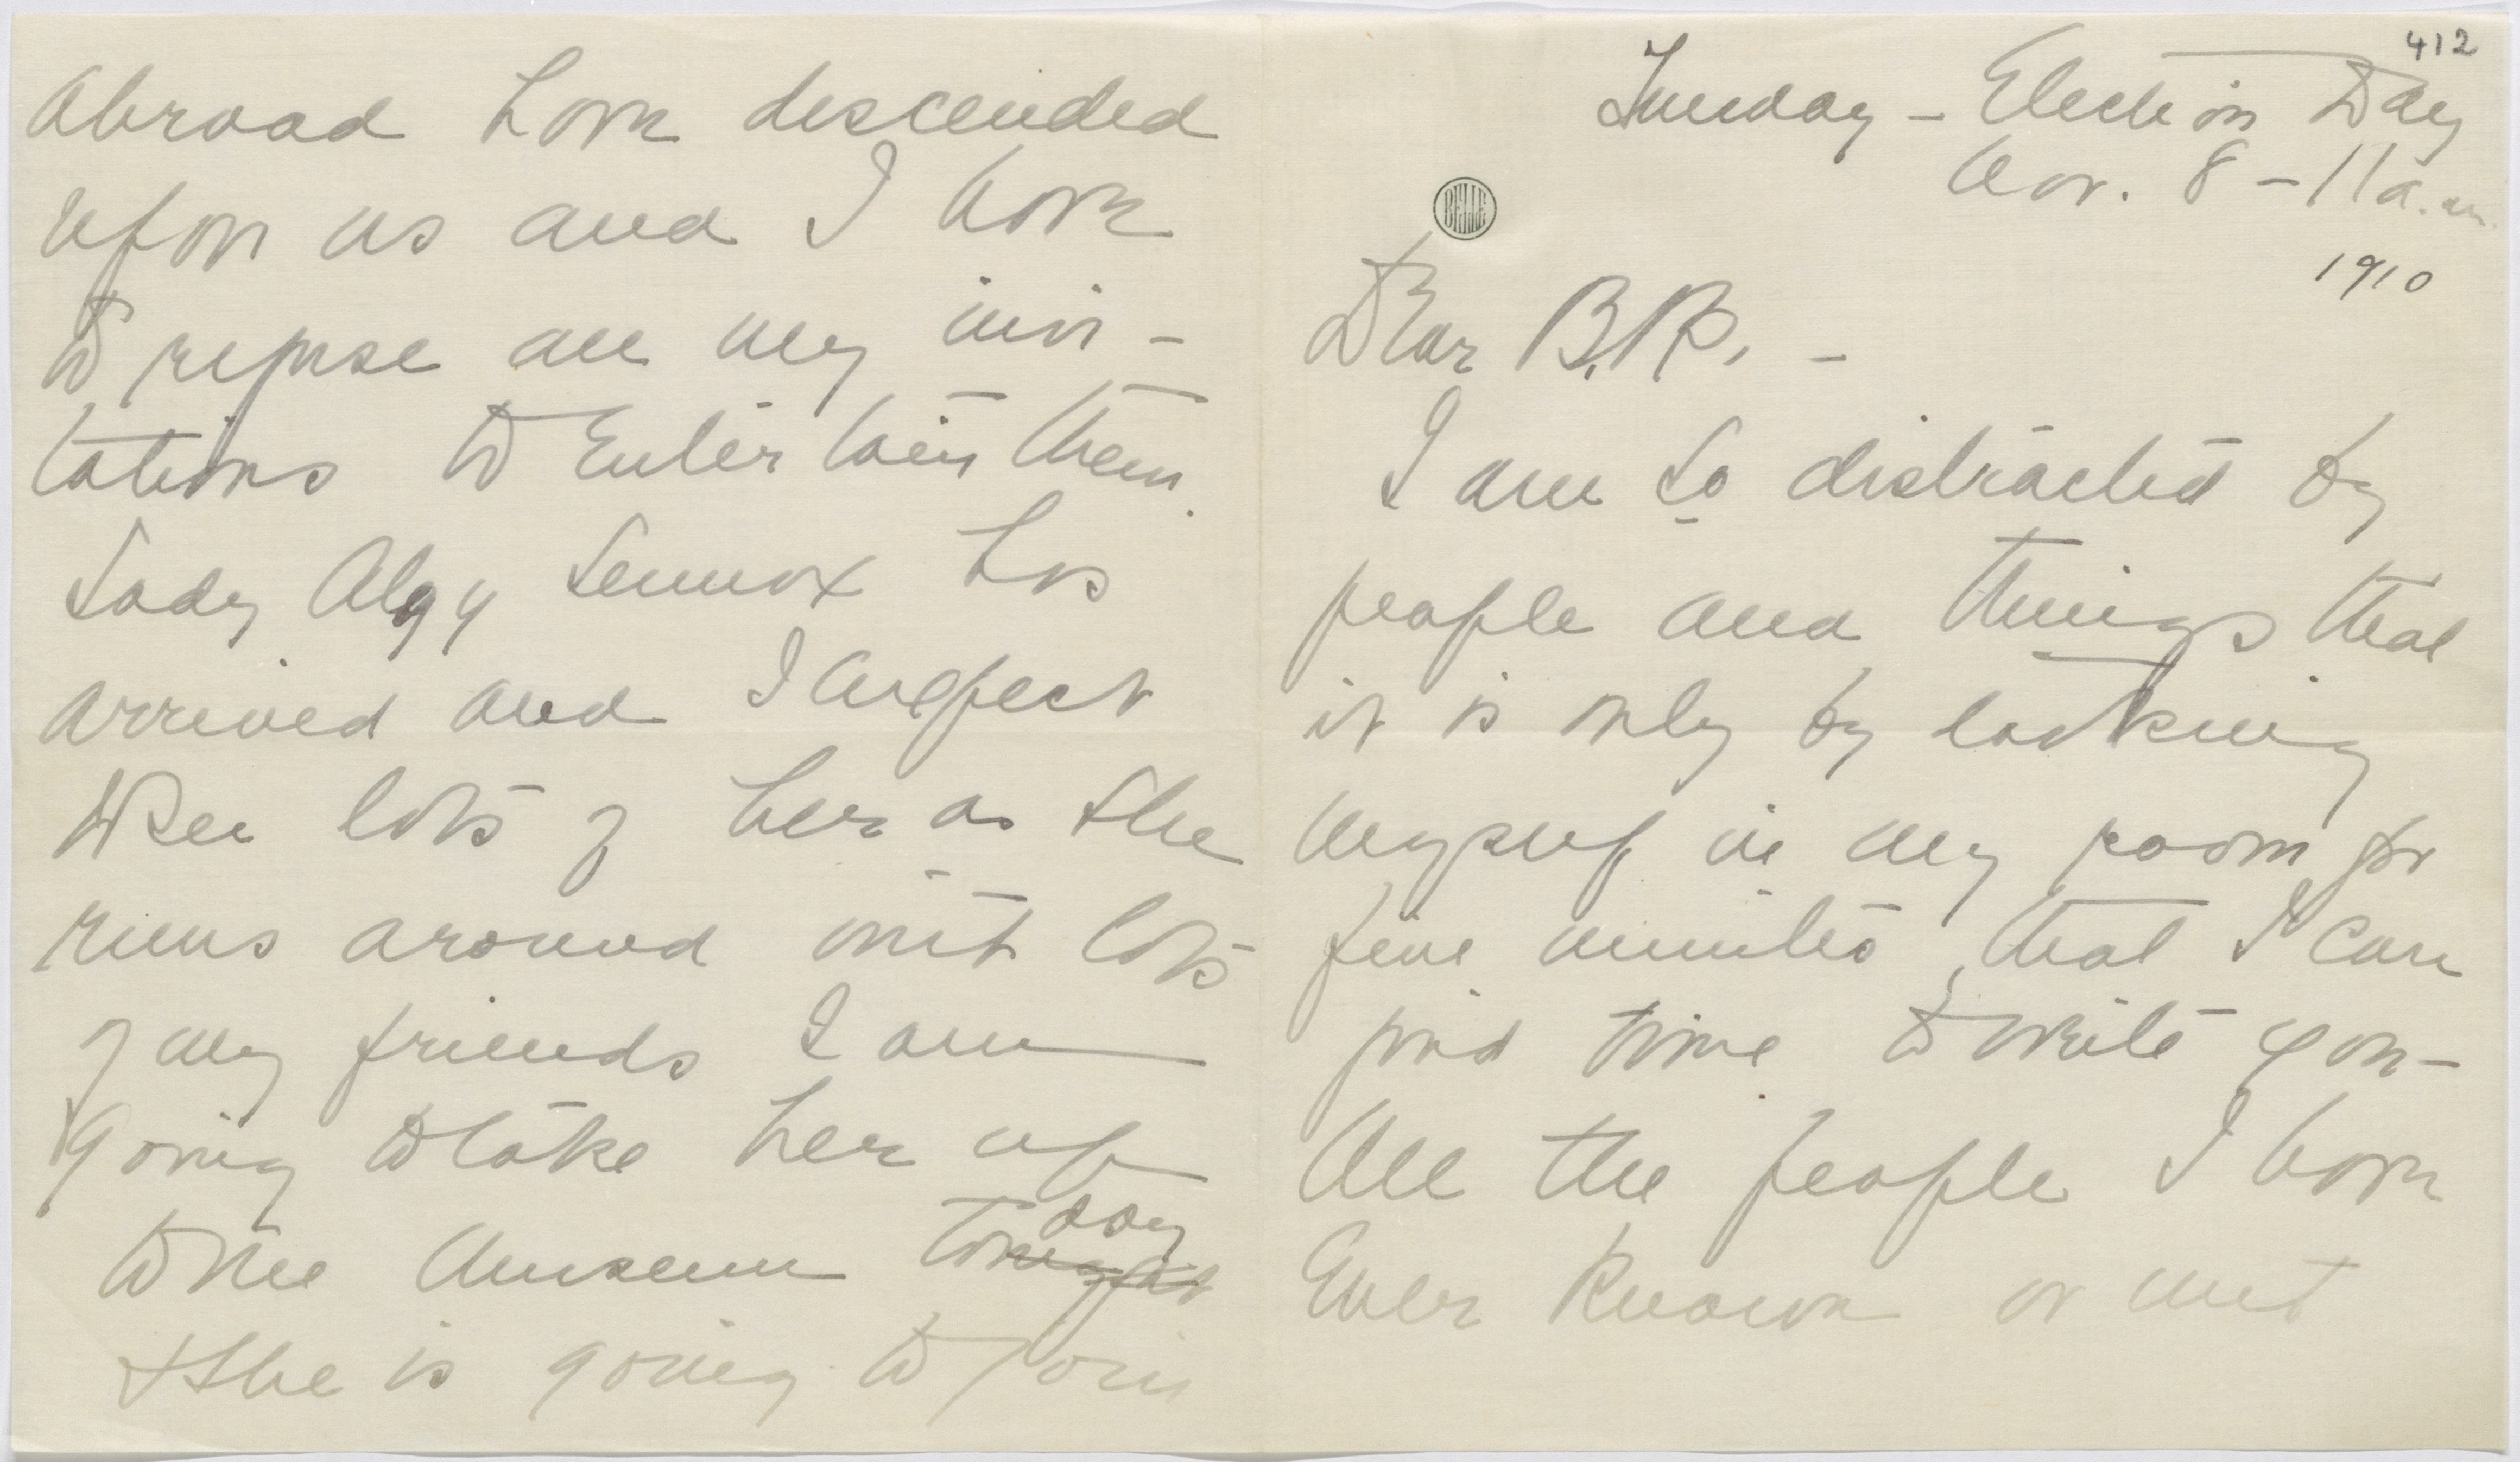Tuesday – Election Day
Nov. 8 – 11 a.m.
Dear B.B. –
I am so distracted by people and things that it is only by locking myself in my room for five minutes that I can find time to write you – All the people I have ever known or met
abroad have descended upon us and I have to refuse all my invitations to entertain them. Lady Algy Lennox has arrived and I expect to see lots of her as she runs around with lots of my friends I am going to take her up to the Museum tonightday & she is going to join